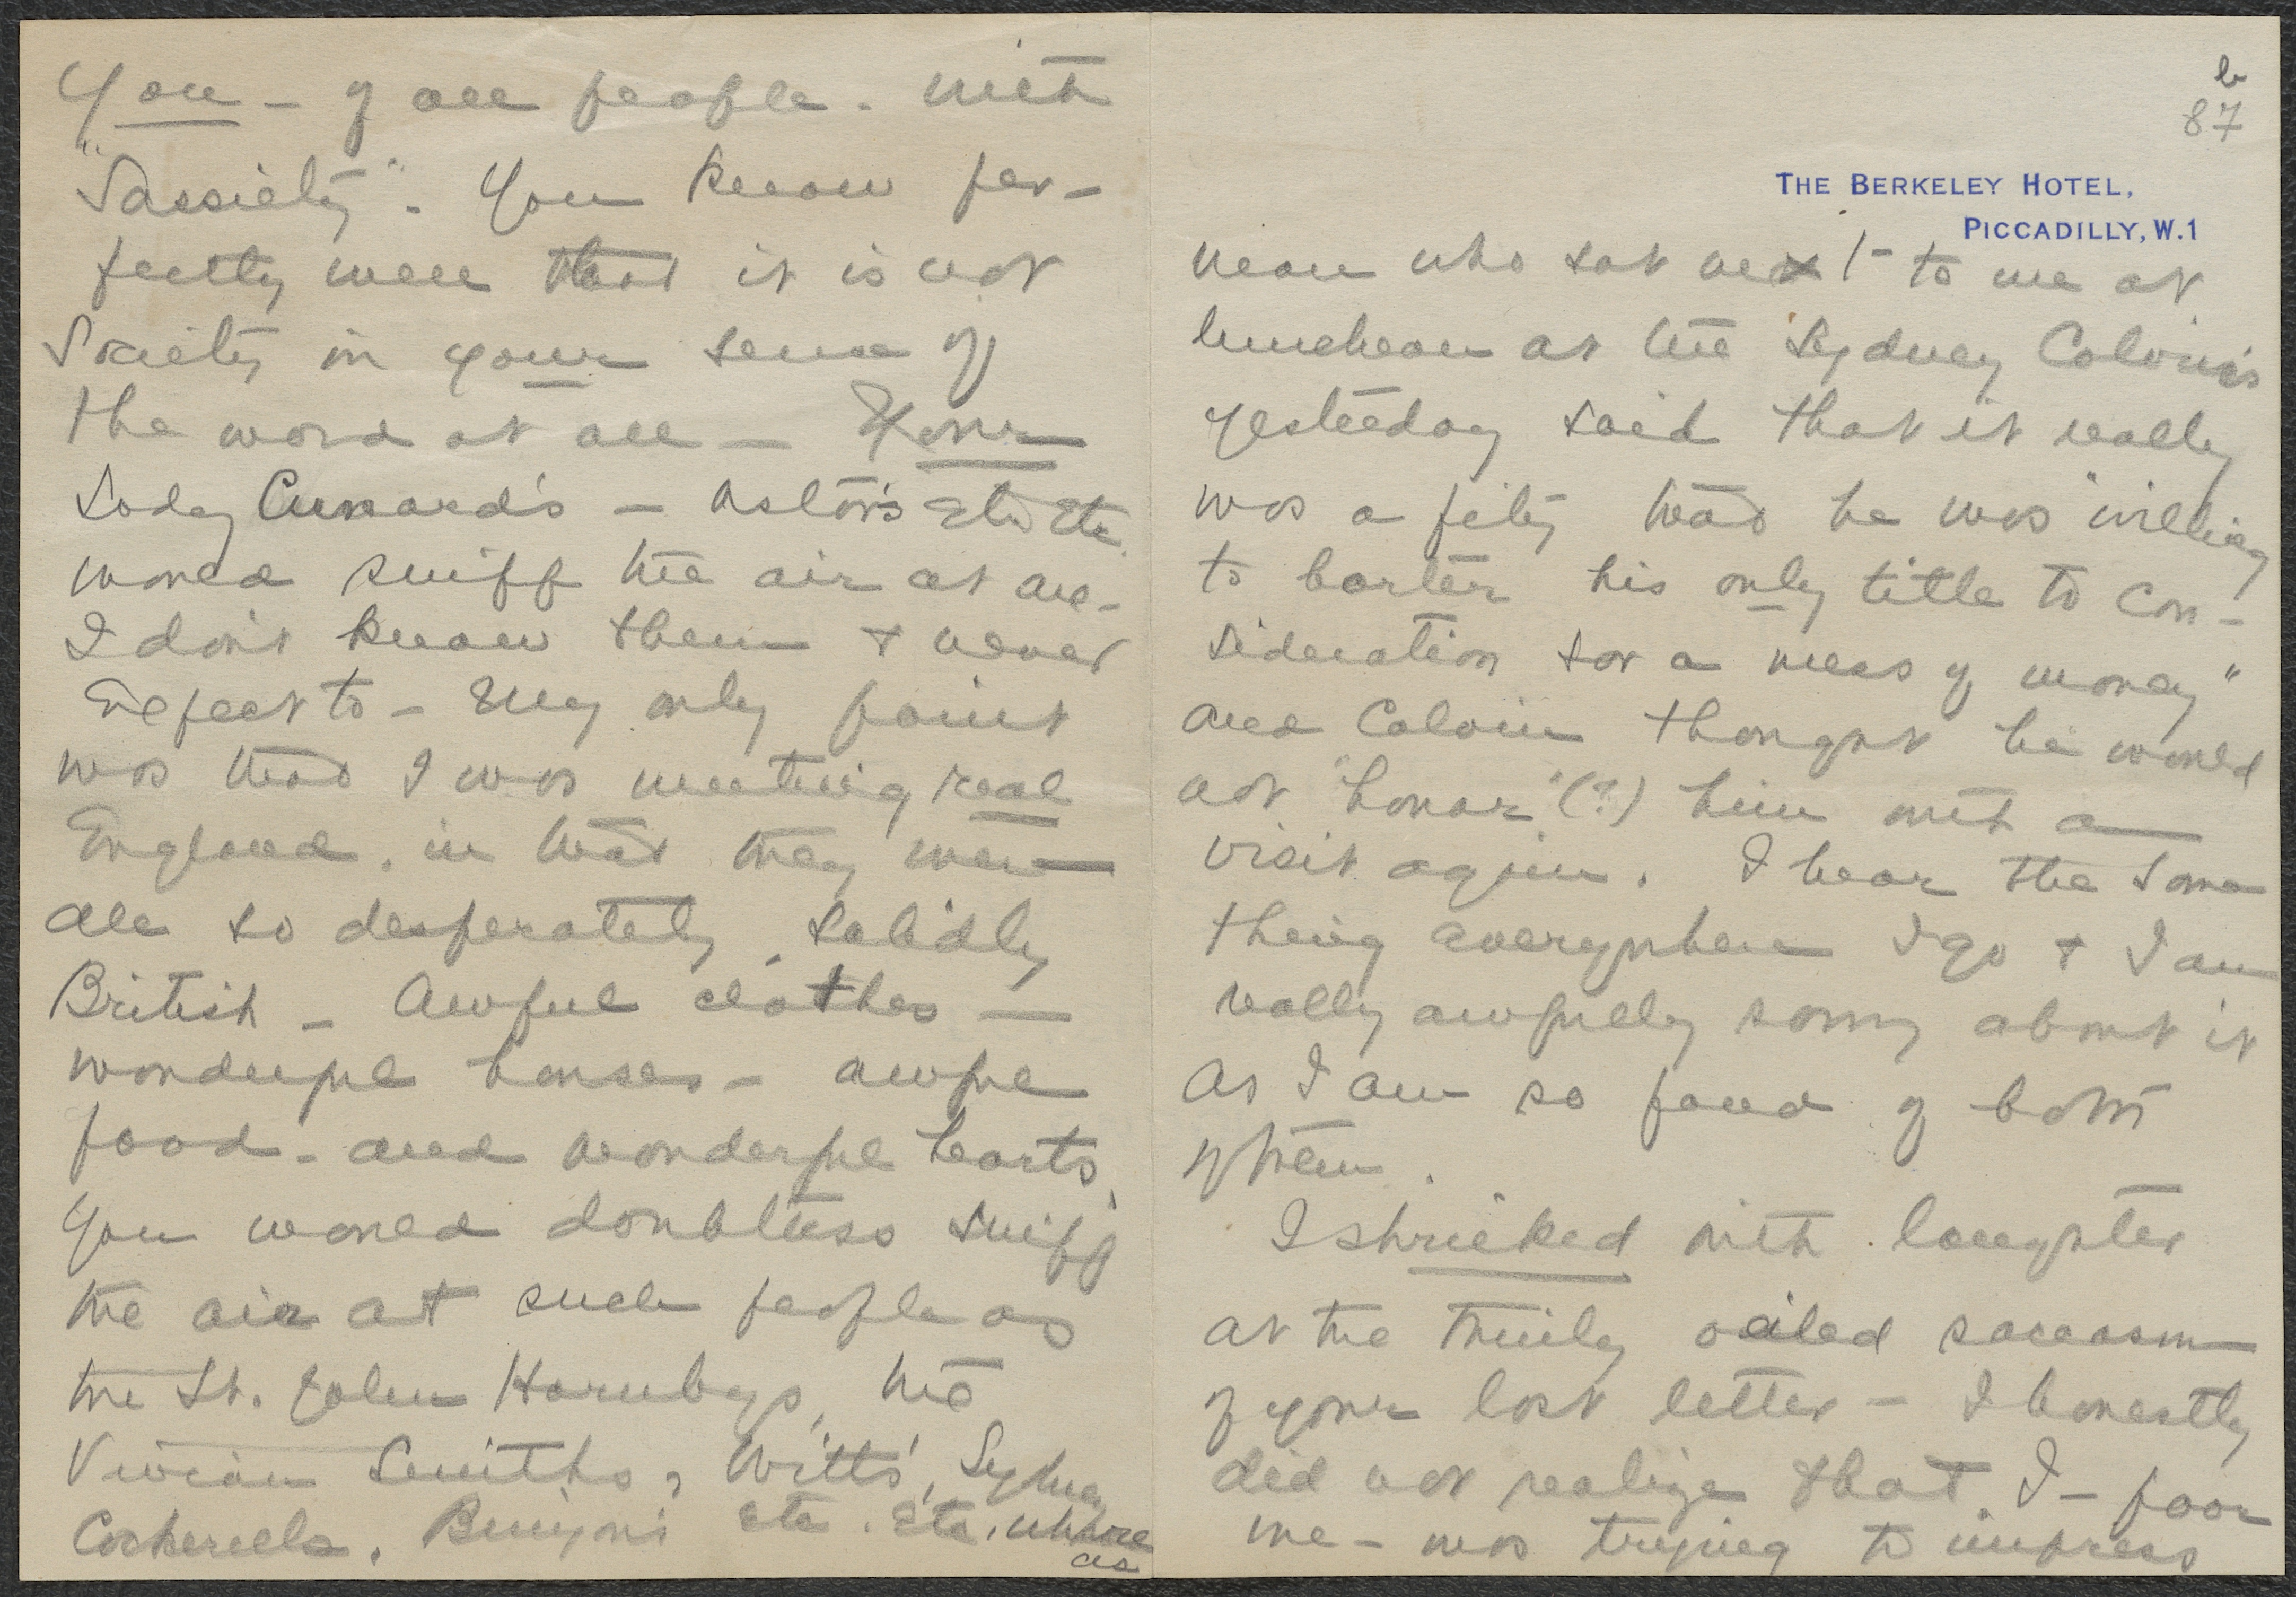man who sat next to me at luncheon at the Sydney Colvin’s yesterday said that it really was pity that he was "willing to barter his only title to consideration for a mess of money" and Colvin thought he would not “honor” (?) him with a visit again. I hear the same thing everywhere I go & I am really awfully sorry about it as I am so fond of both of them.
I shrieked with laughter at the thinly veiled sarcasm of your last letter – I honestly did not realize that I – poor me –– was trying to impress
You – of all people, with "Sassiety". You know perfectly well that it is not society in your sense of the word at all – Your Lady Cunard's – Astor's etc etc. would sniff the air at me – I don't know them & never expect to – my only point was that I was meeting real England, in that they were all so desperately, solidly British – Awful clothes – wonderful houses – awful food – and wonderful hearts. You would doubtless sniff the air at such people as the St. John Hornbys, the Vivian Smiths, Witt's, Sydney Cockerells, Bunyon's etc. etc. where as